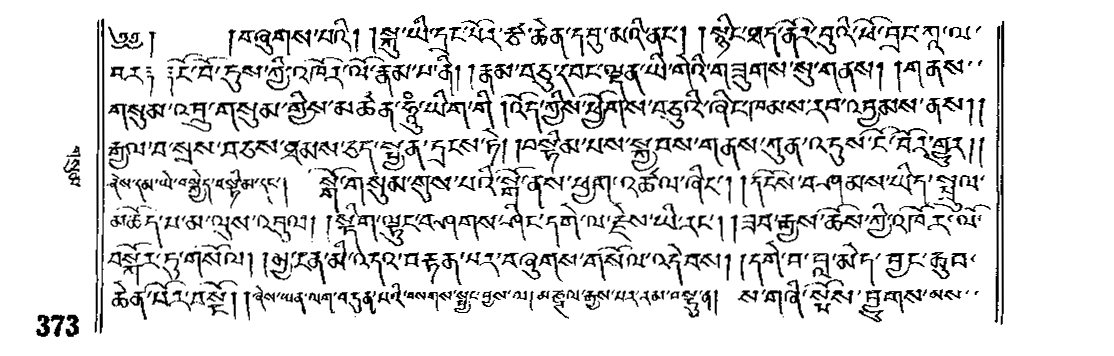༄༅། །བཞུགས་པའི། །སྐུ་ཡི་དང་པོར་རྩ་ཆེན་དབུ་མའི་ནང་། །སྙིང་ཐད་ནོར་བུའི་ཕོ་བྲང་ཀཱ་ལ་
བར༑ ༑ངོ་བོ་དུས་ཀྱི་འཁོར་ལོ་རྣམ་པ་ནི། །རྣམ་བཅུ་དབང་ལྡན་ཡི་གེའི་གཟུགས་སུ་གནས། །གནས་
གསུམ་འབྲུ་གསུམ་གྱིས་མཚན་ཧཱུཾ་ཡིག་གི །འོད་ཀྱིས་ཕྱོགས་བཅུའི་ཞིང་ཁམས་རབ་འབྱམས་ནས།།
རྒྱལ་བ་སྲས་བཅས་ཐམས་ཅད་སྤྱན་དྲངས་ཏེ། །བསྟིམ་པས་སྐྱབས་གནས་ཀུན་འདུས་ངོ་བོར་གྱུར།།
ཞེས་དམ་ཡེ་བསྐྱེད་བསྟིམ་དང་།  སྒོ་གསུམ་གུས་པའི་སྒོ་ནས་ཕྱག་འཚལ་ཞིང་། །དངོས་བཤམས་ཡིད་སྤྲུལ་
མཆོད་པ་མ་ལུས་འབུལ། །སྡིག་ལྟུང་བཤགས་ཤིང་དགེ་ལ་རྗེས་ཡི་རང་། །ཟབ་རྒྱས་ཆོས་ཀྱི་འཁོར་ལོ་
བསྐོར་དུ་གསོལ། །མྱ་ངན་མི་འདའ་བརྟན་པར་བཞུགས་གསོལ་འདེབས། །དགེ་བ་བླ་མེད་བྱང་ཆུབ་
ཆེན་པོར་བསྔོ། །ཞེས་ཡན་ལག་བདུན་པའི་བསགས་སྦྱང་བྱས་ལ། མཎྜལ་རྒྱས་པར་རམ་བསྡུ་ན།  ས་གཞི་སྤོས་བྱུགས་མས་